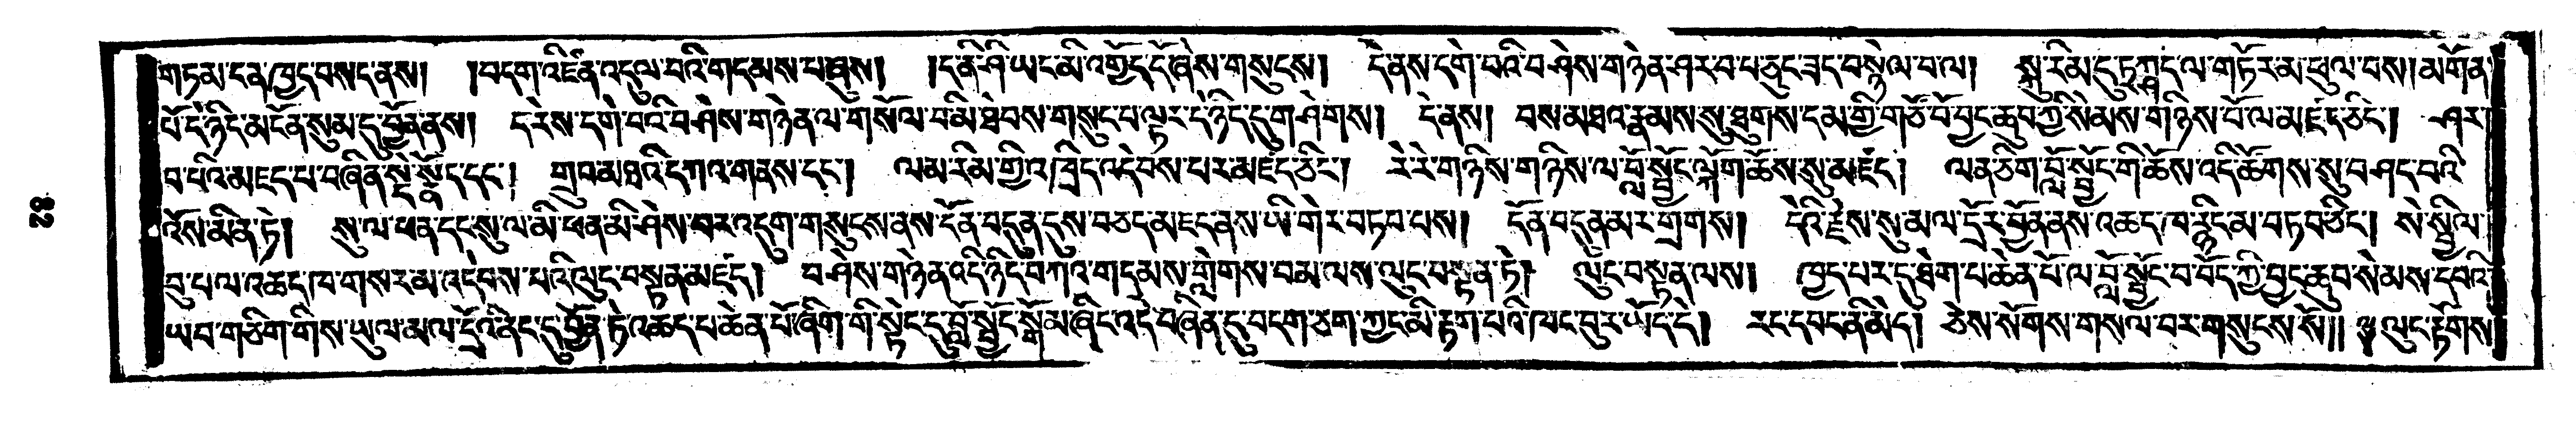གཏམ་ངན་ཁྱད་བསད་ནས། །བདག་འཛིན་འདུལ་བའི་གདམས་པ་ཞུས། །ད་ནི་ཤི་ཡང་མི་འགྱོད་དོ་ཞེས་གསུངས། དེ་ནས་དགེ་བའི་བཤེས་གཉེན་ཤར་བ་པ་ཅུང་ཟད་བསྙེལ་བ་ལ། སྐུ་རིམ་དུ་ཏྲཀྴད་ལ་གཏོར་མ་ཕུལ་བས། མགོན་
པོ་དེ་ཉིད་མངོན་སུམ་དུ་བྱོན་ནས། ད་རེས་དགེ་བའི་བཤེས་གཉེན་ལ་གསོལ་བ་མི་ཐེབས་གསུང་པ་ལྟར་དེ་ཉིད་དུ་གཤེགས། དེ་ནས། བས་མཐའ་རྣམས་སུ་ཐུགས་དམ་གྱི་གཙོ་བོ་བྱང་ཆུབ་ཀྱི་སེམས་གཉིས་པོ་ལ་མཛད་ཅིང་། ཤར་
བ་པའི་མཛད་པ་བཞིན་སྡེ་སྣོད་དང་། གྲུབ་མཐའི་དཀའ་གནས་དང་། ལམ་རིམ་གྱི་འཁྲིད་འདེབས་པར་མཛད་ཅིང་། རེ་རེ་གཉིས་གཉིས་ལ་བློ་སྦྱོང་ལྐོག་ཆོས་སུ་མཛད། ལན་ཅིག་བློ་སྦྱོང་གི་ཆོས་འདི་ཚོགས་སུ་བཤད་པའི་
འོས་མིན་ཏེ། སུ་ལ་ཕན་དང་སུ་ལ་མི་ཕན་མི་ཤེས་བར་འདུག་གསུངས་ནས་དོན་བདུན་དུས་བཅད་མཛད་ནས་ཡི་གེར་བཏབ་པས། དོན་བདུན་མར་གྲགས། དེའི་རྗེས་སུ་མལ་དྲོར་བྱོན་ནས་འཆད་ཁ་རྙིང་མ་བཏབ་ཅིང་། སེ་སྤྱིལ་
བུ་པ་ལ་འཆད་ཁ་གསར་མ་འདེབས་པའི་ལུང་བསྟན་མཛད། བཤེས་གཉེན་འདི་ཉིད་བཀའ་གདམས་གླེགས་བམ་ལས་ལུང་བསྟན་ཏེ། ལུང་བསྟན་ལས། ཁྱད་པར་དུ་ཐེག་པ་ཆེན་པོ་ལ་བློ་སྦྱོང་བ་བོད་ཀྱི་བྱང་ཆུབ་སེམས་དཔའི་
ཡབ་གཅིག་གིས་ཡུལ་མལ་དྲོའི་ནང་དུ་བྱོན་ཏེ་འཆད་པ་ཆེན་པོ་ཞིག་གི་སྟེང་དུ་བློ་སྦྱོང་སྒོམ་ཞིང་འདེ་བཞིན་དུ་བདག་ཅག་ཀྱང་མི་རྟག་པའི་ཁང་བུར་ཡོད་དེ། རང་དབང་ནི་མེད། ཅེས་སོགས་གསལ་བར་གསུངས་སོ།། ༈ ལུང་རྟོགས་